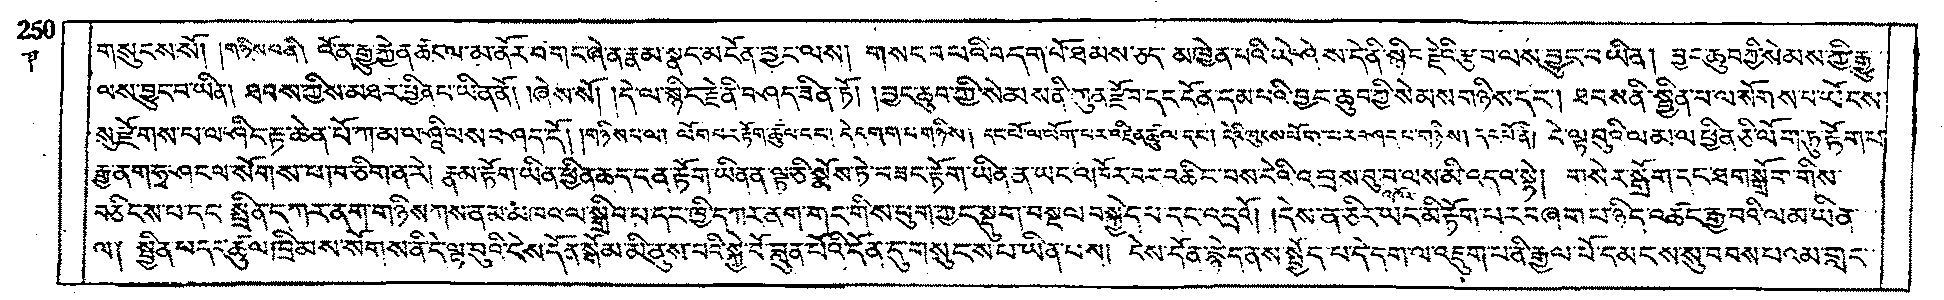གསུངས་སོ། །གཉིས་པ་ནི།  འོ་ན་རྒྱུ་རྐྱེན་ཚང་ལ་མ་ནོར་བ་གང་ཞེ་ན་རྣམ་སྣང་མངོན་བྱང་ལས། གསང་བ་པའི་བདག་པོ་ཐམས་ཅད་མཁྱེན་པའི་ཡེ་ཤེས་དེ་ནི་སྙིང་རྗེའི་རྩ་བ་ལས་བྱུང་བ་ཡིན། བྱང་ཆུབ་ཀྱི་སེམས་ཀྱི་རྒྱུ་
ལས་བྱུང་བ་ཡིན། ཐབས་ཀྱིས་མཐར་ཕྱིན་པ་ཡིན་ནོ། །ཞེས་སོ། །དེ་ལ་སྙིང་རྗེ་ནི་བཤད་ཟིན་ཏོ། །བྱང་ཆུབ་ཀྱི་སེམས་ནི་ཀུན་རྫོབ་དང་དོན་དམ་པའི་བྱང་ཆུབ་ཀྱི་སེམས་གཉིས་དང་། ཐབས་ནི་སྦྱིན་པ་ལ་སོགས་པ་ཡོངས་
སུ་རྫོགས་པ་ལ་ཤིང་རྟ་ཆེན་པོ་ཀ་མ་ལ་ཤཱི་ལས་བཤད་དོ། །གཉིས་པ་ལ། ལོག་པར་རྟོག་ཚུལ་དང་། དེ་དགག་པ་གཉིས། དང་པོ་ལ་ལོག་པར་འཛིན་ཚུལ་དང་། དེའི་ཁུངས་ལོག་པར་བཤད་པ་གཉིས། དང་པོ་ནི།  དེ་ལྟ་བུའི་ལམ་ལ་ཕྱིན་ཅི་ལོག་ཏུ་རྟོག་པ་
རྒྱ་ནག་ཧྭ་ཤང་ལ་སོགས་པ་ཁ་ཅིག་ན་རེ། རྣམ་རྟོག་ཡིན་ཕྱིན་ཆད་ངན་རྟོག་ཡིན་ན་ལྟ་ཅི་སྨོས་ཏེ་བཟང་རྟོག་ཡིན་ན་ཡང་འཁོར་བར་འཆིང་བས་དེའི་འབྲས་བུ་འཁོར་བ་ལས་མི་འདའ་སྟེ། གསེར་སྒྲོག་དང་ཐག་སྒྲོག་གིས་
བཅིངས་པ་དང་སྤྲིན་དཀར་ནག་གཉིས་ཀས་ནམ་མཁའ་ལ་སྒྲིབ་པ་དང་ཁྱི་དཀར་ནག་གང་གིས་ཕུག་ཀྱང་སྡུག་བསྔལ་བསྐྱེད་པ་དང་འདྲའོ། །དེས་ན་ཅིར་ཡང་མི་རྟོག་པར་བཞག་པ་ཉིད་འཚང་རྒྱ་བའི་ལམ་ཡིན་
ལ༑ སྦྱིན་པ་དང་ཚུལ་ཁྲིམས་སོགས་ནི་དེ་ལྟ་བུའི་ངེས་དོན་སྒོམ་མི་ནུས་པའི་སྐྱེ་བོ་བླུན་པོའི་དོན་དུ་གསུངས་པ་ཡིན་པས། ངེས་དོན་རྙེད་ནས་སྤྱོད་པ་དེ་དག་ལ་འཇུག་པ་ནི་རྒྱལ་པོ་དམངས་སུ་བབས་པའམ་གླང་